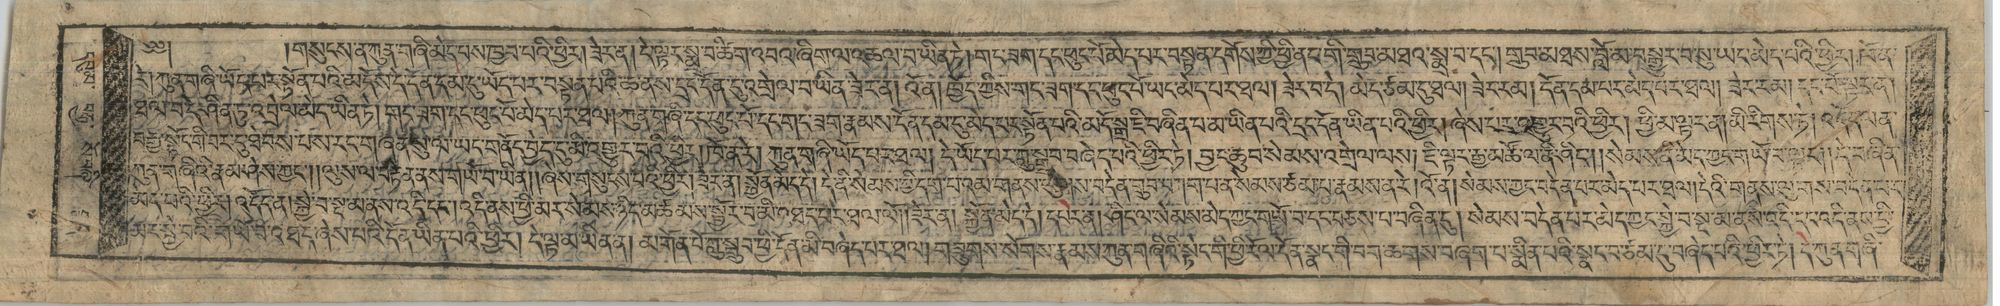༄༅། །གསུངས་ན་ཀུན་གཞི་མེད་པས་ཁྱབ་པའི་ཕྱིར། ཟེར་ན། དེ་ལྟར་སྨྲ་བ་ཚིག་འབའ་ཞིག་ལ་འཆལ་བ་ཡིན་ཏེ། གང་ཟག་དང་ཕུང་པོ་མེད་པར་བསྟན་དགོས་ཀྱི་ཕྱི་ནང་གི་གྲུབ་མཐའ་སྨྲ་བ་དང་། གྲུབ་མཐས་བློ་མ་བསྒྱུར་བ་སུ་ཡང་མེད་པའི་ཕྱིར། ཁོ་ན་
རེ། ཀུན་གཞི་ཡོད་པར་སྟོན་པའི་མདོས་དེ་དོན་དམ་དུ་ཡོད་པར་བསྟན་པའི་ཆ་ནས་དྲང་དོན་དུ་འགྲེལ་བ་ཡིན་ཟེར་ན། འོ་ན། ཁྱོད་ཀྱིས་གང་ཟག་དང་ཕུང་པོ་ཡང་མེད་པར་ཐལ། ཟེར་བ་དེ། མེད་ཙམ་དུ་ཐལ། ཟེར་རམ། དོན་དམ་པར་མེད་པར་ཐལ། ཟེར་རམ། དང་པོ་ལྟར་ན།
ཐལ་བ་དེ་ཤིན་ཏུ་འབྲེལ་མེད་ཡིན་ཏེ། གང་ཟག་དང་ཕུང་པོ་མེད་པར་ཐལ། ཀུན་གཞི་དང་ཕུང་པོ་དང་གང་ཟག་རྣམས་དོན་དམ་དུ་མེད་པར་སྟོན་པའི་མདོ་སྒྲ་ཇི་བཞིན་པ་མ་ཡིན་པའི་དྲང་དོན་ཡིན་པའི་ཕྱིར། ཞེས་པར་འགྱུར་བའི་ཕྱིར། ཕྱི་མ་ལྟར་ན། མི་རིགས་ཏེ། འདོད་ལན་
བརྒྱ་སྟོང་གི་བར་དུ་ཐེབས་པས་རང་གཞན་སུ་ལ་ཡང་གནོད་བྱེད་དུ་མི་འགྱུར་བའི་ཕྱིར། ཁོ་ན་རེ། ཀུན་གཞི་ཡོད་པར་ཐལ། དེ་ཡོད་པར་ཀླུ་སྒྲུབ་བཞེད་པའི་ཕྱིར་ཏེ། བྱང་ཆུབ་སེམས་འགྲེལ་ལས། ཇི་ལྟར་རྒྱ་མཚོ་ལ་ནི་ཤིང་། །སེམས་ནི་མེད་ཀྱང་གཡོ་བ་ལྟར། །དེ་བཞིན་
ཀུན་གཞིའི་རྣམ་ཤེས་ཀྱང་། །ལུས་ལ་བརྟེན་ནས་གཡོ་བ་ཡིན། །ཞེས་གསུངས་པའི་ཕྱིར། ཟེར་ན། སྐྱོན་མེད་དེ། དེ་ནི་སེམས་ཀྱི་དག་པའམ་གནས་ལུགས་བདེན་གྲུབ་བཀག་པ་ན་སེམས་ཙམ་པ་རྣམས་ན་རེ། འོ་ན། སེམས་ཀྱང་བདེན་པར་མེད་པར་ཐལ། དེའི་གནས་ལུགས་བདེན་པར་
མེད་པའི་ཕྱིར། འདོད་ན། སྐྱེ་བ་སྔ་མ་ནས་འདི་དང་། འདི་ནས་ཕྱི་མར་སེམས་ཉིད་མཚམས་སྦྱོར་བ་མི་འཐད་པར་ཐལ་ལོ། །ཟེར་ན། སྐྱོན་མེད་དེ། དཔེར་ན། ཤིང་ལ་སེམས་མེད་ཀྱང་གཡོ་བ་དང་བཅས་པ་བཞིན་དུ། སེམས་བདེན་པར་མེད་ཀྱང་སྐྱེ་བ་སྔ་མ་ནས་འདི་དང་འདི་ནས་ཕྱི་
མར་སྐྱེ་བའི་གཡོ་བ་འཐད་ཞེས་པའི་དོན་ཡིན་པའི་ཕྱིར། དེ་ལྟ་མ་ཡིན་ན། མགོན་པོ་ཀླུ་སྒྲུབ་ཀྱི་དོན་མི་བཞེད་པར་ཐལ། གཟུགས་སོགས་རྣམས་ཀུན་གཞིའི་སྟེང་གི་ཕྱི་རོལ་དོན་སྣང་གི་བག་ཆགས་བཞག་པ་སྨིན་པའི་སྣང་བ་ཙམ་དུ་བཞེད་པའི་ཕྱིར་ཏེ། དེ་ཀུན་གཞི་